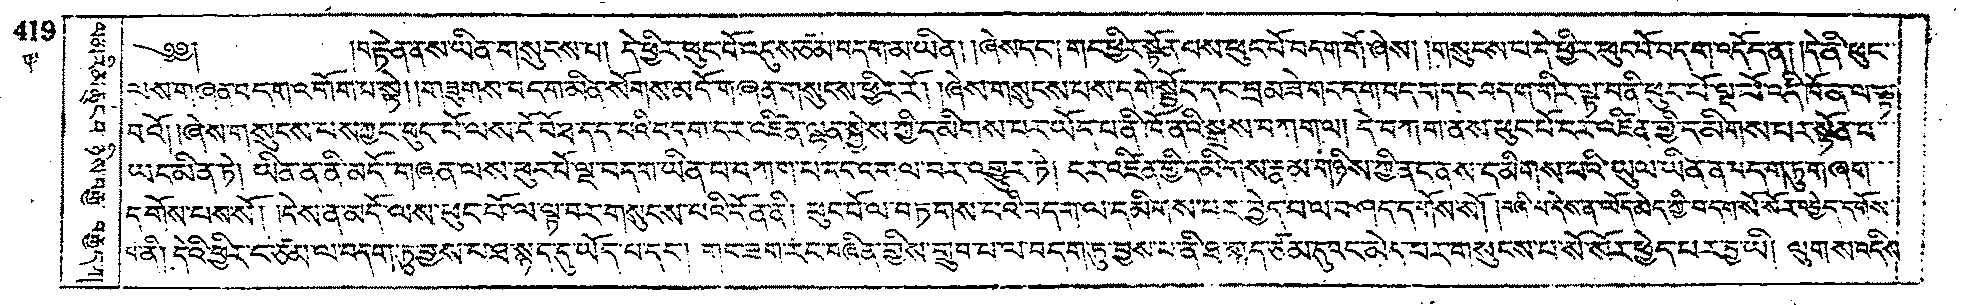༄༅། །བརྟེན་ནས་ཡིན་གསུངས་པ། དེ་ཕྱིར་ཕུང་པོ་འདུས་ཙམ་བདག་མ་ཡིན། །ཞེས་དང་། གང་ཕྱིར་སྟོན་པས་ཕུང་པོ་བདག་གོ་ཞེས། །གསུངས་པ་དེ་ཕྱིར་ཕུང་པོ་བདག་འདོད་ན། དེ་ནི་ཕུང་
ལས་གཞན་བདག་འགོག་པ་སྟེ། གཟུངས་བདག་མིན་སོགས་མདོ་གཞན་གསུངས་ཕྱིར་རོ། །ཞེས་གསུངས་པས་དགེ་སྦྱོང་དང་བྲམ་ཟེ་གང་དག་བདག་དང་བདག་གིར་ལྟ་བ་ནི་ཕུང་པོ་ལྔ་པོ་འདི་ཁོ་ན་ལ་ལྟ་
བའོ། །ཞེས་གསུངས་པས་ཀྱང་ཕུང་པོ་ལས་ངོ་བོ་ཐ་དད་པའི་བདག་ངར་འཛིན་ལྷན་སྐྱེས་ཀྱི་དམིགས་པར་ཡོད་པ་ནི་ཁོ་ནའི་སྒྲས་བཀག་ལ། དེ་བཀག་ནས་ཕུང་པོ་ངར་འཛིན་གྱི་དམིགས་པར་སྟོན་པ་
ཡང་མིན་ཏེ། ཡིན་ན་ནི་མདོ་གཞན་ལས་ཕུང་པོ་ལྔ་བདག་ཡིན་པ་བཀག་པ་དང་འགལ་བར་འགྱུར་ཏེ། ངར་འཛིན་གྱི་དམིགས་རྣམ་གཉིས་ཀྱི་ནང་ནས་དམིགས་པའི་ཡུལ་ཡིན་ན་བདག་ཏུ་གཞག་
དགོས་པས་སོ། །དེས་ན་མདོ་ལས་ཕུང་པོ་ལ་ལྟ་བར་གསུངས་པའི་དོན་ནི། ཕུང་པོ་ལ་བཏགས་པའི་བདག་ལ་དམིགས་པར་བྱེད་པ་ལ་བཤད་དགོས་སོ། །བཞི་པ་དེས་ན་ཡོད་མེད་ཀྱི་བདག་སོ་སོར་འབྱེད་དགོས་
པ་ནི། དེའི་ཕྱིར་བ་ཙམ་ལ་བདག་ཏུ་བྱས་པ་ཐ་སྙད་དུ་ཡོད་པ་དང་། གང་ཟག་རང་བཞིན་གྱིས་གྲུབ་པ་ལ་བདག་ཏུ་བྱས་པ་ནི་ཐ་སྙད་ཙམ་དུའང་མེད་པར་གསུངས་པ་སོ་སོར་ཕྱེད་པར་བྱ་ཡི། །ལུགས་འདིས་